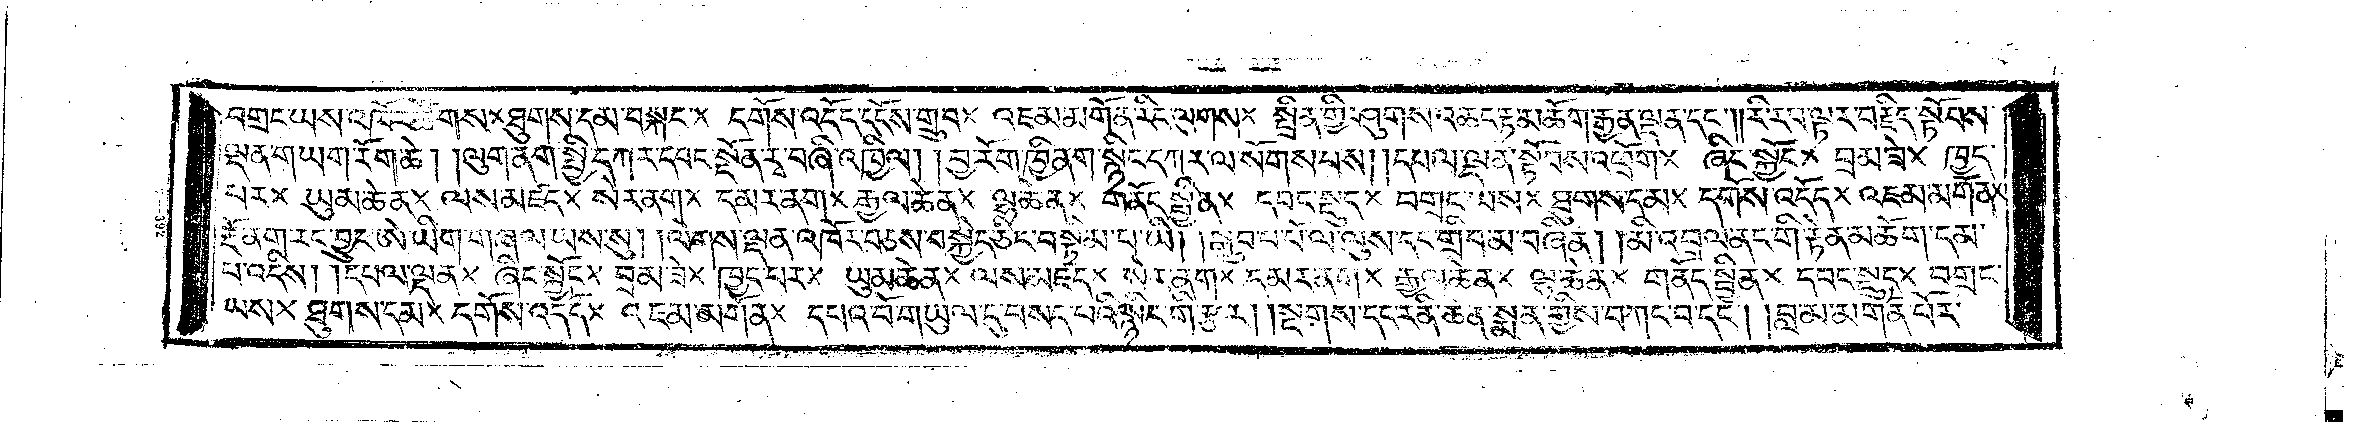བགྲང་ཡས་འཁོར་ཚོགས་྾་ཐུགས་དམ་བསྐང་྾་དགོས་འདོད་དངོས་གྲུབ་྾་འཇམ་མགོན་རིང་ལུགས་྾་སྤྲིན་གྱི་ཤུགས་འཆང་རྟ་མཆོག་རྒྱན་ལྡན་དང་། །རི་རབ་ལྟར་བརྗིད་སྟོབས་
ལྡན་གཡག་རོག་ཆེ། །ལུག་ནག་སྤྱི་དཀར་དབང་སྔོན་རྭ་བཞི་འཁྱིལ། །བྱ་རོག་ཁྱི་ནག་སྙིང་དཀར་ལ་སོགས་པས། །དཔལ་ལྡན་སྟོབས་འཕྲོག་྾་ཞིང་སྐྱོང་྾་བྲམ་ཟེ་྾་ཁྱད་
པར་྾་ཡུམ་ཆེན་྾་ལས་མཛད་྾་སེར་ནག་྾་དམར་ནག་྾་རྒྱལ་ཆེན་྾་ལྷ་ཆེན་྾་གནོད་སྦྱིན་྾་དབང་སྡུད་྾་བགྲང་ཡས་྾་ཐུགས་དམ་྾་དགོས་འདོད་྾་འཇམ་མགོན་྾་
རྡོ་ནག་རང་བྱུང་ཨེ་ཡིག་གཞལ་ཡས་སུ། །ལེགས་ལྡན་འཁོར་བཅས་བསྐྱེད་ཅིང་བསྟིམ་པ་ཡི། །སྒྲུབ་པ་པོ་ལ་ལུས་དང་གྲིབ་མ་བཞིན། །མི་འབྲལ་ནང་གི་རྟེན་མཆོག་དམ་
པ་འདིས། །དཔལ་ལྡན་྾་ཞིང་སྐྱོང་྾་བྲམ་ཟེ་྾་ཁྱད་པར་྾་ཡུམ་ཆེན་྾་ལས་མཛད་྾་སེར་ནག་྾་དམར་ནག་྾་རྒྱལ་ཆེན་྾་ལྷ་ཆེན་྾་གནོད་སྦྱིན་྾་དབང་སྤུད་྾་བགྲང་
ཡས་྾་ཐུགས་དམ་྾་དགོས་འདོད་྾་འཇམ་མགོན་྾་དཔའ་བོ་གཡུལ་དུ་བསད་པའི་སྙིང་གི་རྩར། །སྔགས་དང་རིན་ཆེན་སྨན་གྱིས་བཀང་བ་དང་། །བླ་མ་མགོན་པོར་